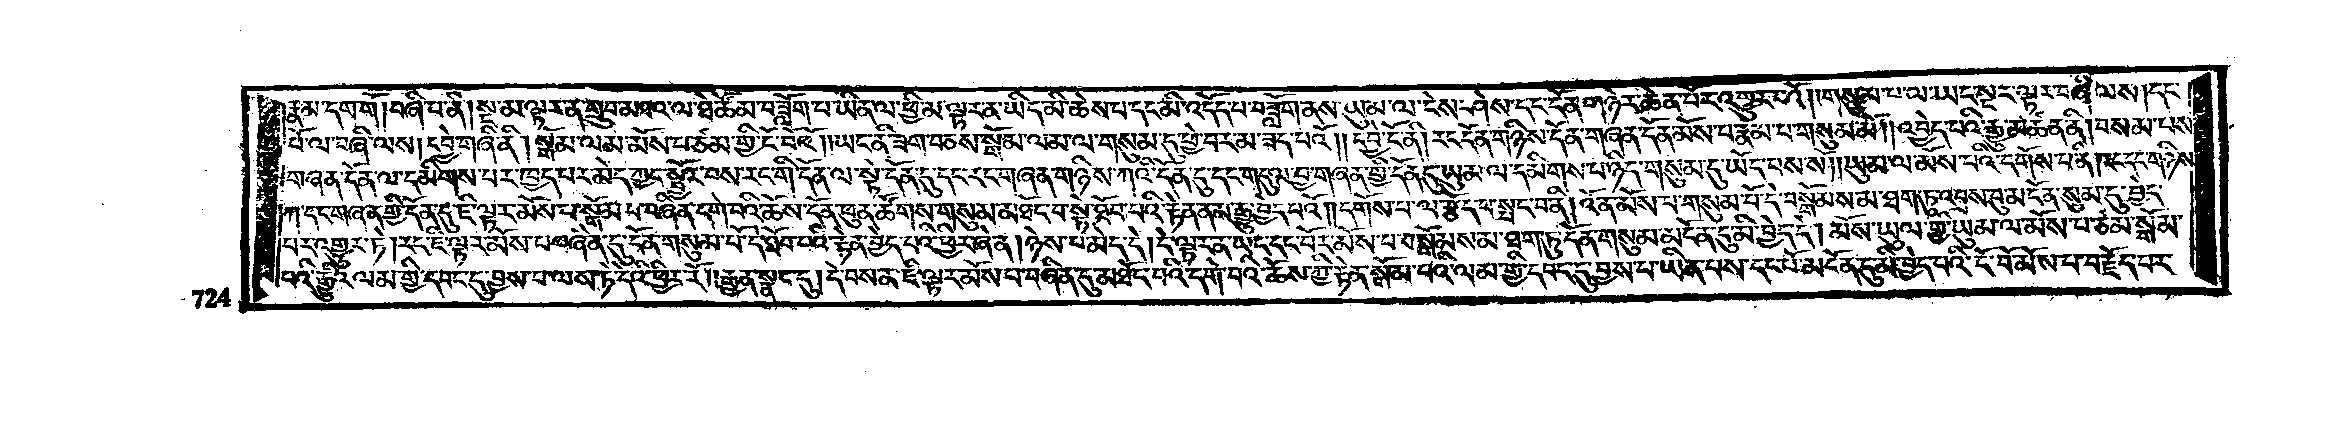རྣམ་དག་གོ །བཞི་པ་ནི། སྔ་མ་ལྟར་ན་གྲུབ་མཐའ་ལ་ཐེ་ཚོམ་བཟློག་པ་ཡིན་ལ་ཕྱི་མ་ལྟར་ན་ཡིད་མི་ཆེས་པ་དང་མི་འདོད་པ་བཟློག་ནས་ཡུམ་ལ་ངེས་ཤེས་དང་དོན་གཉེར་ཆེན་པོར་འགྱུར་བའོ། །གསུམ་པ་ལ་ཡང་སྔར་ལྟར་བཞི་ལས། དང་
པོ་ལ་བཞི་ལས། དབྱེ་གཞི་ནི། སྒོམ་ལམ་མོས་པ་ཙམ་གྱི་ངོ་བོའོ། །ཡང་ནི་ཟག་བཅས་སྒོམ་ལམ་ལ་གསུམ་དུ་ཕྱེ་བར་མ་ཟད་པའོ། །དབྱེ་ངོ་ནི། རང་དོན་གཉིས་དོན་གཞན་དོན་མོས་པ་རྣམས་པ་གསུམ་མོ། །འབྱེད་པའི་རྒྱུ་མཚན་ནི། བསམ་པས་
གཞན་དོན་ལ་དམིགས་པར་ཁྱད་པར་མེད་ཀྱང་སྦྱོར་བས་རང་གི་དོན་ལ་སྟེ་དོན་དུ་དང་རང་གཞན་གཉིས་ཀའི་དོན་དུ་དང་གདུལ་བྱ་གཞན་གྱི་དོན་དུ་ཡུམ་ལ་དམིགས་པ་ཉིད་གསུམ་དུ་ཡོད་པས་སོ། །ཡུམ་ལ་མོས་པའི་དགོས་པ་ནི། རང་དང་གཉིས་
ཀ་དང་གཞན་གྱི་དོན་དུ་ཇི་ལྟར་མོས་པ་སྒོམ་པ་བཞིན་དགེ་བའི་ཆོས་དོན་ཕུན་ཚོགས་གསུམ་མཐོང་བ་སྟེ་ཐོབ་པའི་རྟེན་ནམ་རྒྱུ་བྱེད་པའོ། །དགོས་པ་ལ་རྩོད་པ་སྤང་བ་ནི། འོ་ན་མོས་པ་གསུམ་པོ་དེ་བསྒོམས་མ་ཐག་ཏུ་འབྲས་བུ་མངོན་སུམ་དུ་བྱེད་
པར་འགྱུར་ཏེ། རང་ཇི་ལྟར་མོས་པ་བཞིན་དུ་དོན་གསུམ་པོ་དེ་ཐོབ་པའི་རྟེན་བྱེད་པའི་ཕྱིར་ཞེ་ན། ཉེས་པ་མེད་དེ། དེ་ལྟར་ན་ཡང་དང་པོར་མོས་པ་བསྒོམས་མ་ཐག་ཏུ་དོན་གསུམ་མངོན་དུ་མི་བྱེད་དེ། མོས་ཡུལ་གྱི་ཡུམ་ལ་མོས་པ་ཙམ་སྒོམ་
པའི་རྒྱུའི་ལམ་གྱི་དབང་དུ་བྱས་པ་ལས་ཏེ་དེའི་ཕྱིར་རོ། །རྒྱན་སྣང་དུ། དེ་བས་ན་ཇི་ལྟར་མོས་པ་བཞིན་དུ་མཐོང་བའི་དགེ་བའི་ཆོས་ཀྱི་རྟེན་སྒོམ་པའི་ལམ་གྱི་དབང་དུ་བྱས་པ་ཡིན་པས་དང་པོ་མངོན་དུ་མི་བྱེད་པའི་ངོ་བོ་མོས་པ་བརྗོད་པར་